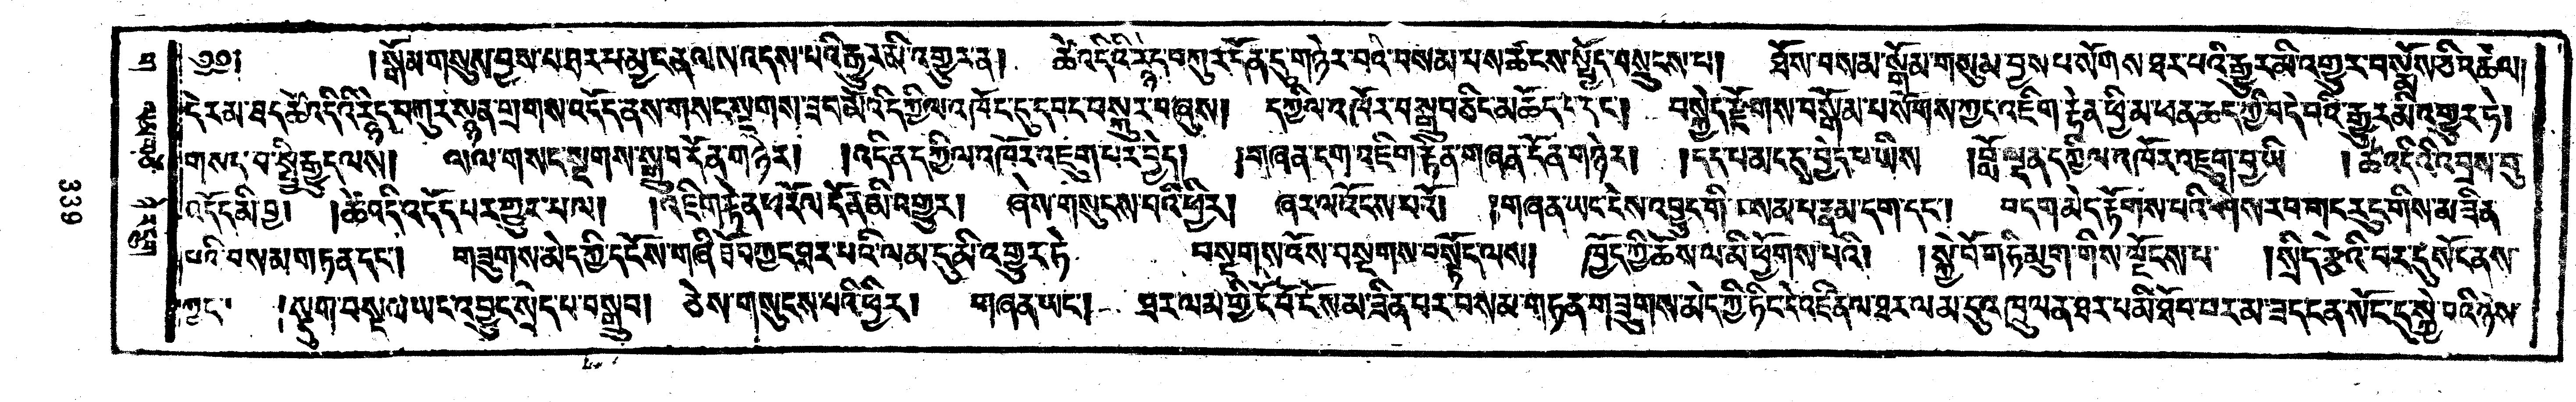༄༅། །སྒོམ་གསུས་བྱས་པ་ཐར་པ་མྱ་ངན་ལས་འདས་པའི་རྒྱུར་མི་འགྱུར་ན། ཚེ་འདིའི་རྙེད་བཀུར་དོན་དུ་གཉེར་བའི་བསམ་པས་ཚངས་སྤྱོད་བསྲུངས་པ། ཐོས་བསམ་སྒོམ་གསུམ་བྱས་པ་སོགས་ཐར་པའི་རྒྱུར་མི་འགྱུར་བ་སྨོས་ཅི་འཚལ།
དེར་མ་ཐད་ཚེ་འདིའི་རྙེད་བཀུར་སྙན་གྲགས་འདོད་ནས་གསང་སྔགས་ཟབ་མོ་འདི་ཀྱིལ་འཁོར་དུ་དབང་བསྐུར་བ་ཞུས། དཀྱིལ་འཁོར་བ་སྒྲུབ་ཅིང་མཆོད་པ་དང་། བསྐྱེད་རྫོགས་བསྒོམ་པ་སོགས་ཀྱང་འཇིག་རྟེན་ཕྱི་མ་ཕན་ཆད་ཀྱི་བདེ་བའི་རྒྱུར་མི་འགྱུར་ཏེ།
གསད་པ་སྤྱི་རྒྱུད་ལས། ལ་གསང་སྔགས་སྒྲུབ་དོན་གཉེར། འདི་ན་དཀྱིལ་འཁོར་འཇུག་པར་བྱེད། །གཞན་དག་འཇིག་རྟེན་གཞན་དོན་གཉེར། །དད་པ་མང་དུ་བྱེད་པ་ཡིས། བློ་ལྡན་དཀྱིལ་འཁོར་འཇུག་བྱ་ཡི་།ཚེ་འདིའི་འབྲས་བུ་
འདོད་མི་བྱ། །ཚེ་འདི་འདོད་པར་གྱུར་པ་ལ། །འཇིག་རྟེན་ཕ་རོལ་དོན་མི་འགྱུར། ཞེས་གསུངས་པའི་ཕྱིར། ཞར་ལ་འོངས་བའོ། །གཞན་ཡང་ངེས་འབྱུང་གི་བསམ་པ་རྣམས་དག་དང་། བདག་མེད་རྟོགས་པའི་ཤེས་རབ་གང་རུང་གིས་མ་ཟིན་
པའི་བསམ་གཏན་དང་། གཟུགས་མེད་ཀྱི་དངོས་གཞི་ཐོབ་ཀྱང་ཐར་པའི་ལམ་དུ་མི་འགྱུར་ཏེ། བསྔགས་འོས་བསྔགས་བསྟོད་ལས། ཁྱོད་ཀྱི་ཆོས་ལ་མི་ཕྱོགས་པའི། །སྐྱེ་བོ་གཏི་མུག་གིས་ལྗོངས་པ་།སྲིད་རྩེའི་བར་དུ་སོང་ནས་
ཀྱང་། །སྡུག་བསྔལ་ཡང་འབྱུང་སྲིད་པ་བསྒྲུབ། ཅེས་གསུངས་པའི་ཕྱིར། གཞན་ཡང་། ཐར་ལམ་གྱི་ངོ་བོ་ངོས་མ་ཟིན་པར་བསམ་གཏན་གཟུགས་མེད་ཀྱི་ཏིང་ངེ་འཛིན་ལ་ཐར་ལམ་དུ་འཁྲུལ་ན་ཐར་པ་མི་ཐོབ་པར་མ་ཟད་ངན་སོང་དུ་སྐྱེ་བའི་ཉེས་